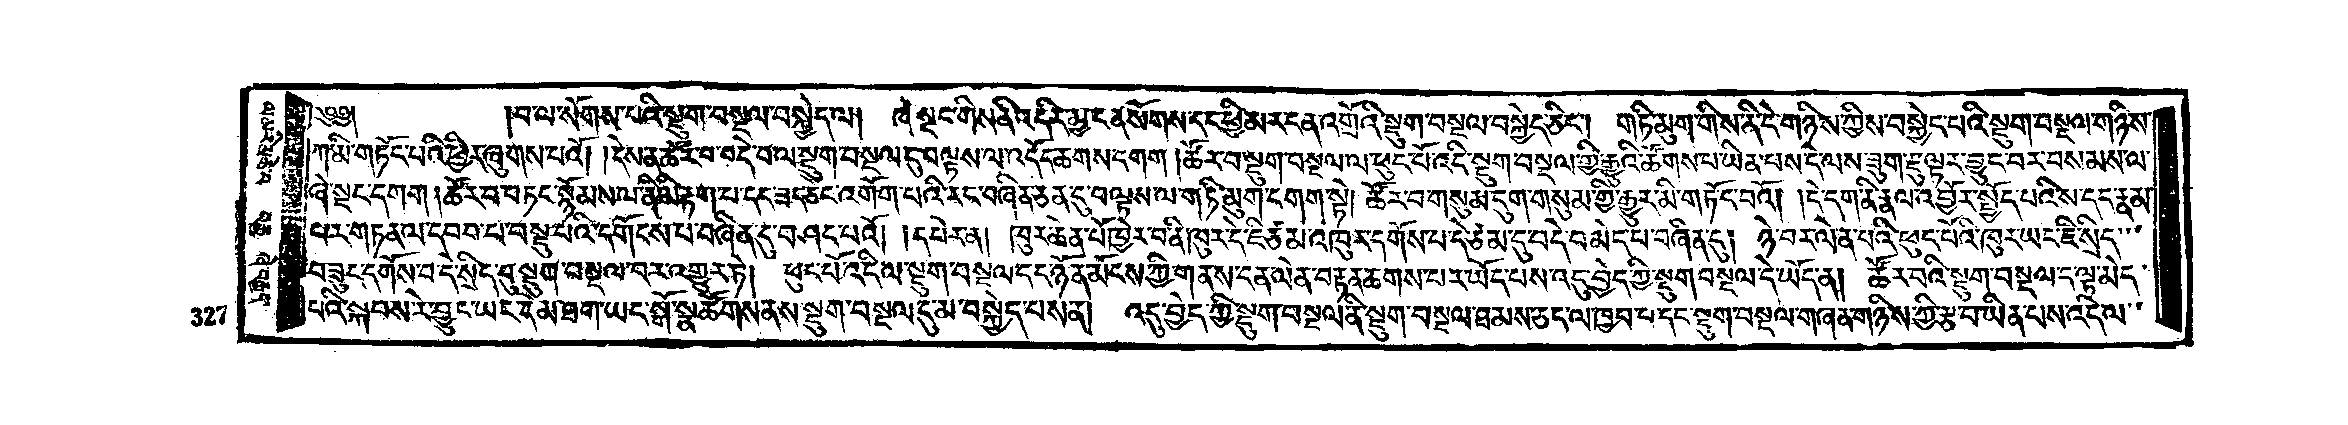༄༅། །བ་ལ་སོགས་པའི་སྡུག་བསྔལ་བསྐྱེད་ལ། ཞེ་སྡང་གིས་ནི་འདིར་མྱ་ངན་སོགས་དང་ཕྱི་མར་ངན་འགྲོའི་སྡུག་བསྔལ་བསྐྱེད་ཅིང་། གཏི་མུག་གིས་ནི་དེ་གཉིས་ཀྱིས་བསྐྱེད་པའི་སྡུག་བསྔལ་གཉིས་
ཀ་མི་གཏོང་བའི་ཕྱིར་ཞུགས་པའོ། །དེས་ན་ཚོར་བ་བདེ་བ་ལ་སྡུག་བསྔལ་དུ་བལྟས་ལ་འདོད་ཆགས་དགག །ཚོར་བ་སྡུག་བསྔལ་ལ་ཕུང་པོ་འདི་སྡུག་བསྔལ་གྱི་རྒྱུའི་ཚོགས་པ་ཡིན་པས་དེ་ལས་ཟུག་རྔུ་ལྟར་བྱུང་བར་བསམས་ལ་
ཞེ་སྡང་དགག །ཚོར་བ་བཏང་སྙོམས་ལ་ནི་མི་རྟག་པ་དང་ཟད་ཅིང་འགོག་པའི་རང་བཞིན་ཅན་དུ་བལྟས་ལ་གཏི་མུག་དགག་སྟེ། ཚོར་བ་གསུམ་དུག་གསུམ་གྱི་རྒྱུར་མི་གཏོང་བའོ། །དེ་དག་ནི་རྣལ་འབྱོར་སྤྱོད་པའི་ས་དང་རྣམ་
པར་གཏན་ལ་དབབ་པ་བསྡུ་བའི་དགོངས་པ་བཞིན་དུ་བཤད་པའོ། །དཔེར་ན། ཁུར་ཆེན་པོ་ཁྱེར་བ་ནི་ཁུར་དེ་ཇི་ཙམ་འཁུར་དགོས་པ་དེ་ཙམ་དུ་བདེ་བ་མེད་པ་བཞིན་དུ། ཉེ་བར་ལེན་པའི་ཕུང་པོའི་ཁུར་ཡང་ཇི་སྲིད་
བཟུང་དགོས་པ་དེ་སྲིད་དུ་སྡུག་བསྔལ་བར་འགྱུར་ཏེ། ཕུང་པོ་འདི་ལ་སྡུག་བསྔལ་དང་ཉོན་མོངས་ཀྱི་གནས་ངན་ལེན་བརྟན་ཆགས་པར་ཡོད་པས་འདུ་བྱེད་ཀྱི་སྡུག་བསྔལ་དེ་ཡོད་ན། ཚོར་བའི་སྡུག་བསྔལ་ད་ལྟ་མེད་
པའི་སྐབས་རེ་བྱུང་ཡང་དེ་མ་ཐག་ཡང་སྒོ་སྣ་ཚོགས་ནས་སྡུག་བསྔལ་དུ་མ་བསྐྱེད་པས་ན། འདུ་བྱད་ཀྱི་སྡུག་བསྔལ་ནི་སྡུག་བསྔལ་ཐམས་ཅད་ལ་ཁྱབ་པ་དང་སྡུག་བསྔལ་གཞན་གཉིས་ཀྱི་རྩ་བ་ཡིན་པས་འདི་ལ་